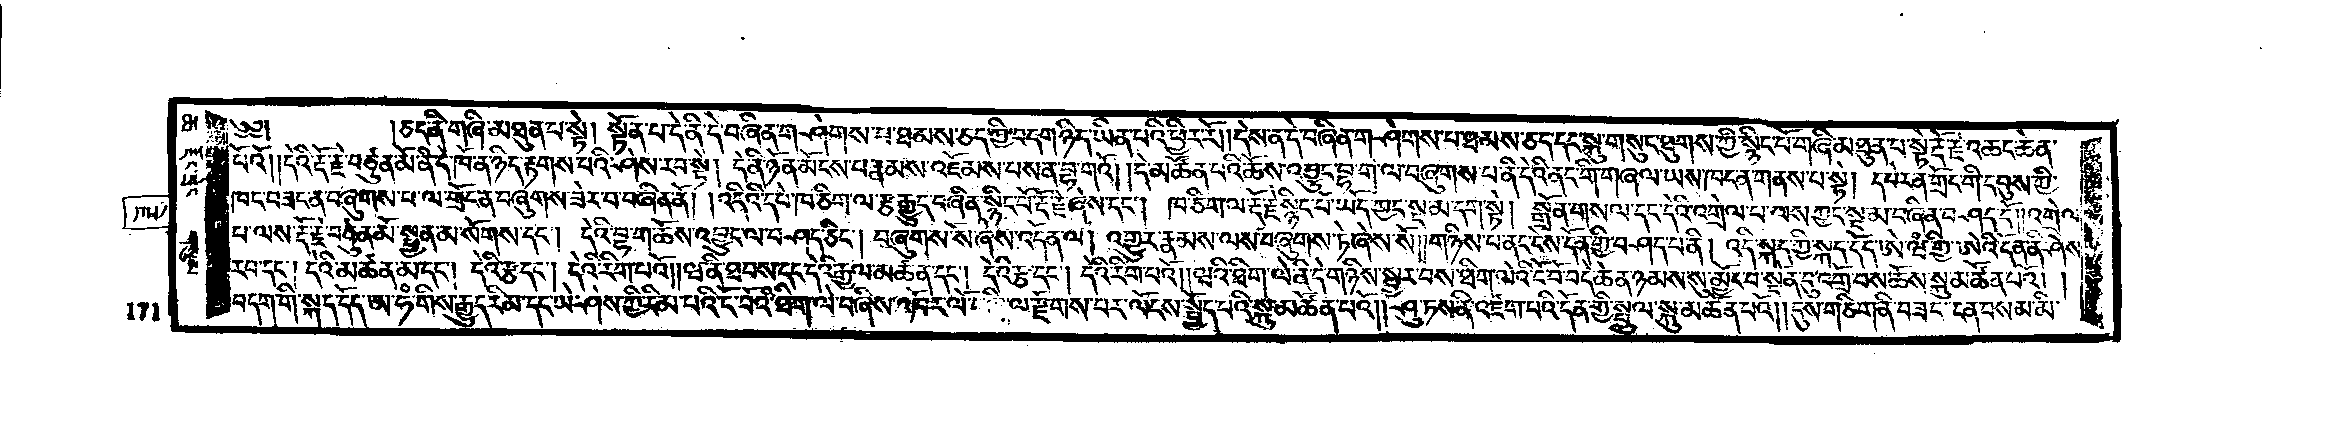༄༅། །ཅད་ནི་གཞི་མཐུན་པ་སྟེ། སྟོན་པ་དེ་ནི་དེ་བཞིན་གཤེགས་པ་ཐམས་ཅད་ཀྱི་བདག་ཉིད་ཡིན་པའི་ཕྱིར་རོ། །དེས་ན་དེ་བཞིན་གཤེགས་པ་ཐམས་ཅད་དང་སྐུ་གསུང་ཐུགས་ཀྱི་སྙིང་པོ་གཞི་མཐུན་པ་སྟེ་རྡོ་རྗེ་འཆང་ཆེན་
པོའི། །དེའི་རྡོ་རྗེ་བཙུན་མོ་ནི་དེ་ཁོ་ན་ཉིད་རྟོགས་པའི་ཤེས་རབ་སྟེ། དེ་ནི་ཉོན་མོངས་པ་རྣམས་འཇོམས་པས་ན་བྷ་གའོ། །དེ་མཚོན་པའི་ཆོས་འབྱུང་བྷ་ག་ལ་བཞུགས་པ་ནི་དེའི་ནང་གི་གཞལ་ཡས་ཁང་ན་གནས་པ་སྟེ། དཔེར་ན་གྲོང་གི་དབུས་ཀྱི་
ཁང་བཟང་ན་བཞུགས་པ་ལ་གྲོང་ན་བཞུགས་ཟེར་བ་བཞིན་ནོ། །འདིའི་དཔེ་ཁ་ཅིག་ལ་རྩ་རྒྱུད་བཞིན་སྙིང་པོ་རྡོ་རྗེ་ཞེས་དང་། ཁ་ཅིག་ལ་རྡོ་རྗེ་སྙིང་པོ་ཡོད་ཀྱང་སྔ་མ་དག་སྟེ། སྒྲོན་གསལ་དང་དེའི་འགྲེལ་པ་ལས་ཀྱང་སྔ་མ་བཞིན་བཤད་དོ། །འགྲེལ་
པ་ལས་རྡོ་རྗེ་བཙུན་མོ་སྤྱན་མ་སོགས་དང་། དེའི་བྷ་ག་ཆོས་འབྱུང་ལ་བཤད་ཅིང་། བཞུགས་སོ་ཞེས་འདོན་ལ། འགྱུར་རྣམས་ལས་བཞུགས་ཏེ་ཞེས་སོ། །གཉིས་པ་ནང་ངེས་དོན་གྱི་བཤད་པ་ནི། འདི་སྐད་ཀྱི་སྐད་དོད་ཨེ་ཝཾ་གྱི་ཨེའི་དོན་ནི་ཤེས་
རབ་དང་། དེའི་མཚན་མ་དང་། དེའི་རྩ་དང་། དེའི་རིག་པའོ། །ཝ་ནི་ཐབས་དང་དེའི་རྒྱལ་མཚན་དང་། དེའི་རྩ་དང་། དེའི་རིག་པའོ། །ཝའི་ཐིག་ལེ་ནི་དེ་གཉིས་སྦྱར་བས་ཐིག་ལེའི་ངོ་བོ་བདེ་ཆེན་ཉམས་སུ་མྱོང་བ་སྔོན་དུ་འགྲོ་བས་ཆོས་སྐུ་མཚོན་པའོ། །
བདག་གི་སྐད་དོད་ཨ་ཧཾ་གིས་རྒྱུད་རིམ་དང་ཡེ་ཤེས་ཀྱི་རིམ་པའི་ངོ་བོའི་ཐིག་ལེ་བཞིས་འཁོར་ལོ་བཞི་ལ་རྫོགས་པར་ལོངས་སྤྱོད་པའི་སྐུ་མཚོན་པའོ། །ཤུ་ཏུས་?་ནི་འཛག་པའི་དོན་གྱི་སྤྲུལ་སྐུ་མཚོན་པའོ། །དུས་གཅིག་ནི་བཟང་ངན་བསམ་མི་